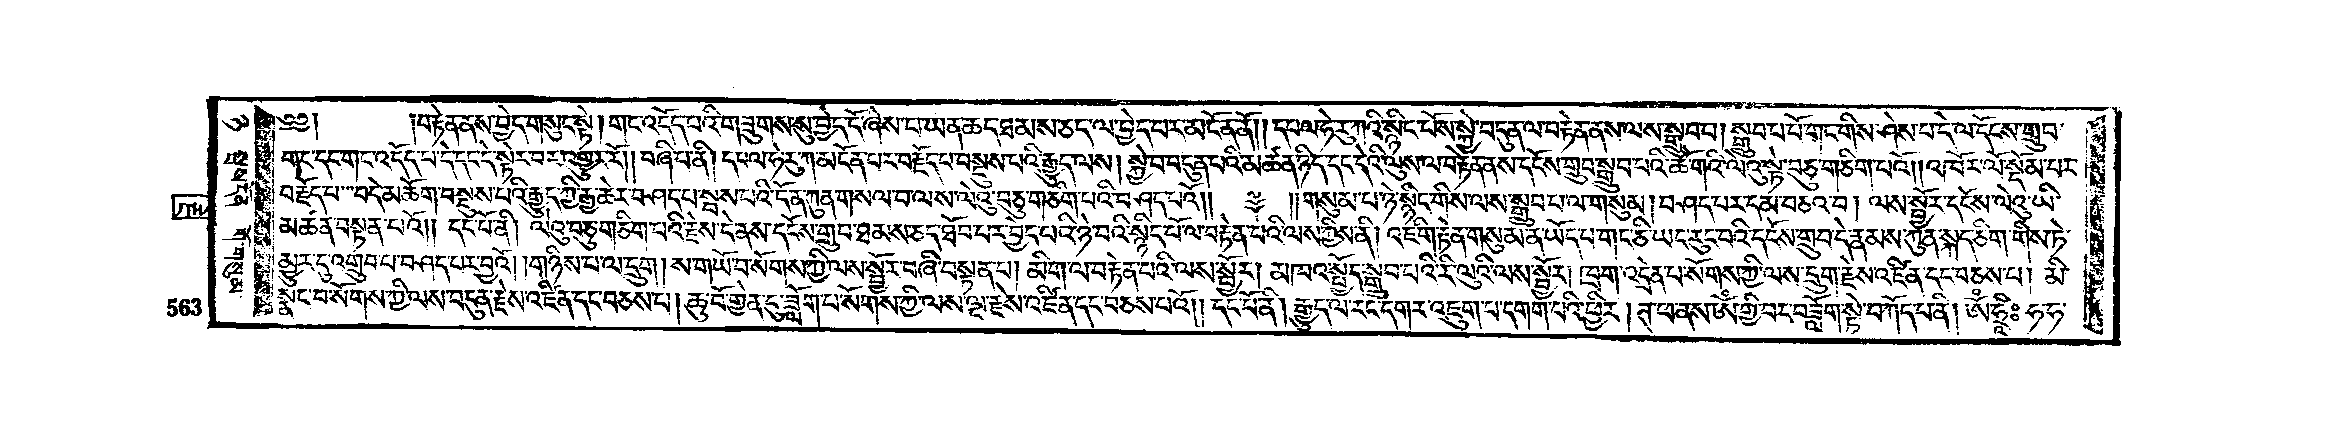༄༅། །བརྟེན་ནས་བྱེད་གསུང་སྟེ། གང་འདོད་པའི་གཟུགས་སུ་བྱེད་དོ་ཞེས་པ་ཡན་ཆད་ཐམས་ཅད་ལ་བྱེད་པར་མངོན་ནོ། །དཔལ་ཧེ་རུ་ཀའི་སྙིང་པོས་སྐྱེ་བདུན་ལ་བརྟེན་ནས་ལས་སྒྲུབ་པ། སྒྲུབ་པ་པོ་གང་གིས་ཤེས་པ་དེ་ལ་དངོས་གྲུབ་
གང་དང་གང་འདོད་པ་དེ་དང་དེ་སྟེར་བར་འགྱུར་རོ། །བཞི་པ་ནི། དཔལ་ཧེ་རུ་ཀ་མངོན་པར་བརྗོད་པ་བསྡུས་པའི་རྒྱུད་ལས། སྐྱེ་བ་བདུན་པའི་མཚན་ཉིད་དང་དེའི་ལུས་ལ་བརྟེན་ནས་དངོས་གྲུབ་སྒྲུབ་པའི་ཆོ་གའི་ལེའུ་སྟེ་བཅུ་གཅིག་པའོ། །འཁོར་ལོ་སྡོམ་པར་
བརྗོད་པ་བདེ་མཆོག་བསྡུས་པའི་རྒྱུད་ཀྱི་རྒྱ་ཆེར་བཤད་པ་སྦས་པའི་དོན་ཀུན་གསལ་བ་ལས་ལེའུ་བཅུ་གཅིག་པའི་བཤད་པའོ།། ༈ །།གསུམ་པ་ཉེ་སྙིང་གིས་ལས་སྒྲུབ་པ་ལ་གསུམ། བཤད་པར་དམ་བཅའ་བ། ལས་སྦྱོར་དངོས་ལེའུ་ཡི་
མཚན་བསྟན་པའོ། །དང་པོ་ནི། ལེའུ་བཅུ་གཅིག་པའི་རྗེས་དེ་ནས་དངོས་གྲུབ་ཐམས་ཅད་ཐོབ་པར་བྱེད་པའི་ཉེ་བའི་སྙིང་པོ་ལ་བརྟེན་པའི་ལས་ཀྱིས་ནི། འཇིག་རྟེན་གསུམ་ན་ཡོད་པ་གང་ཅི་ཡང་རུང་བའི་དངོས་གྲུབ་དེ་རྣམས་ཀུན་སྐད་ཅིག་གིས་ཏེ་
མྱུར་དུ་འགྲུབ་པ་བཤད་པར་བྱའོ། །གཉིས་པ་ལ་དྲུག །ས་གཡོ་བ་སོགས་ཀྱི་ལས་སྦྱོར་བཞི་བསྟན་པ། མིག་ལ་བརྟེན་པའི་ལས་སྦྱོར། མཁའ་སྤྱོད་སྒྲུབ་པའི་རི་ལུའི་ལས་སྦྱོར། ཁྲག་འདྲེན་པ་སོགས་ཀྱི་ལས་དྲུག་རྗེས་འཛིན་དང་བཅས་པ། མི་
སྣང་བ་སོགས་ཀྱི་ལས་བདུན་རྗེས་འཛིན་དང་བཅས་པ། ཆུ་བོ་གྱེན་དུ་ཟློག་པ་སོགས་ཀྱི་ལས་ལྔ་རྗེས་འཛིན་དང་བཅས་པའོ། །དང་པོ་ནི། རྒྱུད་ལ་རང་དགར་འཇུག་པ་དགག་པའི་ཕྱིར། ཊ་ཕ་ནས་ཨོཾ་གྱི་བར་བཟློག་སྟེ་བཀོད་པ་ནི། ཨོཾ་ཧྲཱིཿ ཧ་ཧ་